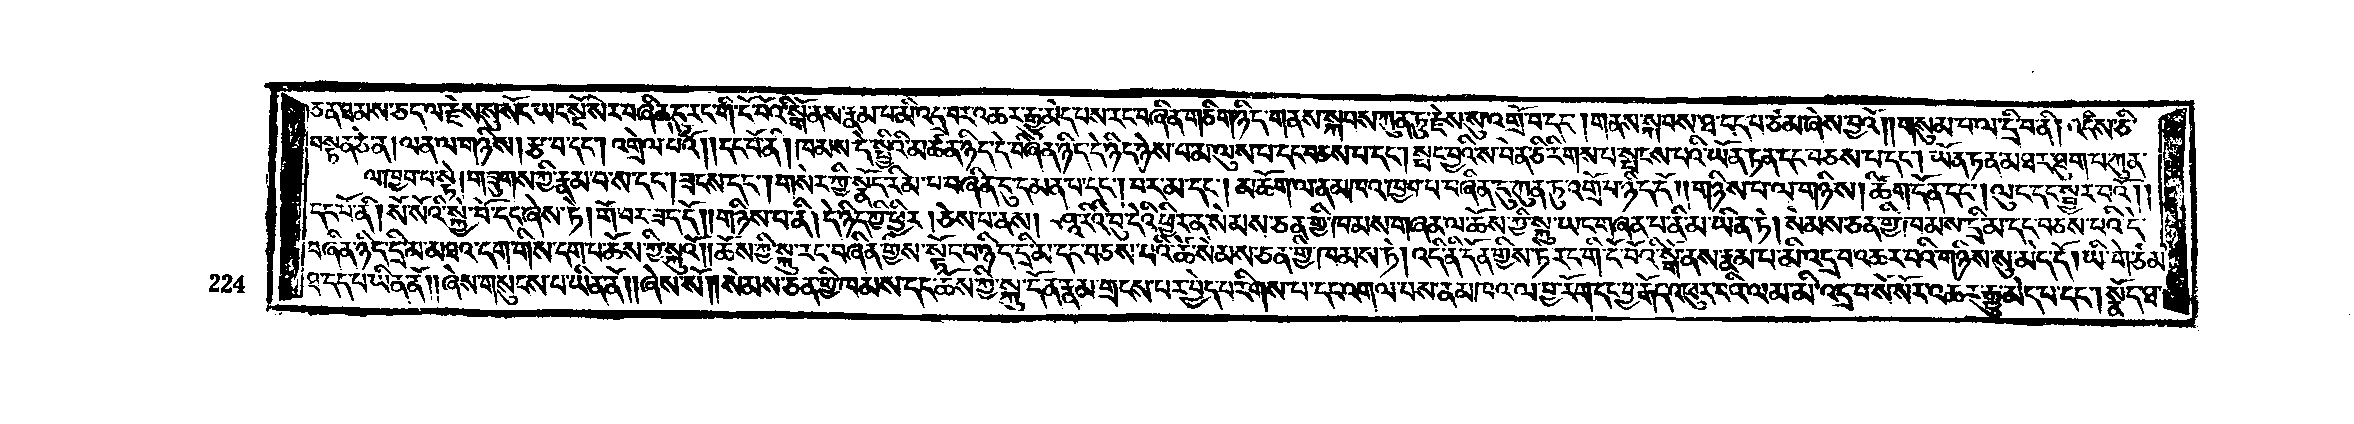ཅན་ཐམས་ཅད་ལ་རྗེས་སུ་སོང་ཡང་སྔོ་སེར་བཞིན་དུ་རང་གི་ངོ་བོའི་སྒོ་ནས་རྣམ་པ་མི་འདྲ་བར་འཆར་རྒྱུ་མེད་པས་རང་བཞིན་གཅིག་ཉིད་གནས་སྐབས་ཀུན་ཏུ་རྗེས་སུ་འགྲོ་བ་དང་། གནས་སྐབས་ཐ་དད་པ་ཙམ་ཞེས་བྱའོ། །གསུམ་པ་ལ་དྲི་བ་ནི། འདིས་ཅི་
བསྟན་ཅེ་ན། ལན་ལ་གཉིས། རྩ་བ་དང་། འགྲེལ་པའོ། །དང་པོ་ནི། ཁམས་དེ་སྤྱིའི་མཚན་ཉིད་དེ་བཞིན་ཉིད་དེ་ཉིད་ཉེས་པ་མ་ལུས་པ་དང་བཅས་པ་དང་། སྤང་བྱའི་ས་བོན་ཅི་རིགས་པ་སྤངས་པའི་ཡོན་ཏན་དང་བཅས་པ་དང་། ཡོན་ཏན་མཐར་ཐུག་པ་ཀུན་
ལ་ཁྱབ་པ་སྟེ། གཟུགས་ཀྱི་རྣམ་པ་ས་དང་། ཟངས་དང་། གསེར་གྱི་སྣོད་རིམ་པ་བཞིན་དུ་དམན་པ་དང་། བར་མ་དང་། མཆོག་ལ་ནམ་མཁའ་ཁྱབ་པ་བཞིན་དུ་ཀུན་ཏུ་འགྲོ་བ་ཉིད་དོ། །གཉིས་པ་ལ་གཉིས། ཚིག་དོན་དང་། ལུང་དང་སྦྱར་བའོ། །
དང་པོ་ནི། སོ་སོའི་སྐྱེ་བོ་དང་ཞེས་ཏེ། གོ་བར་ཟད་དོ། །གཉིས་པ་ནི། དེ་ཉིད་ཀྱི་ཕྱིར། ཅེས་པ་ནས། ཤཱ་རིའི་བུ་དེའི་ཕྱིར་ན་སེམས་ཅན་གྱི་ཁམས་གཞན་ལ་ཆོས་ཀྱི་སྐུ་ཡང་གཞན་པ་ནི་མ་ཡིན་ཏེ། སེམས་ཅན་གྱི་ཁམས་དྲི་མ་དང་བཅས་པའི་དེ་
བཞིན་ཉིད་དྲི་མ་མཐའ་དག་གིས་དག་པ་ཆོས་ཀྱི་སྐུའོ། །ཆོས་ཀྱི་སྐུ་རང་བཞིན་གྱིས་སྟོང་པ་ཉིད་དྲི་མ་དང་བཅས་པའི་ཚེ་སེམས་ཅན་གྱི་ཁམས་ཏེ། འདི་ནི་དོན་གྱིས་ཏེ་རང་གི་ངོ་བོའི་སྒོ་ནས་རྣམ་པ་མི་འདྲ་བ་འཆར་བའི་གཉིས་སུ་མེད་དོ། ཡི་གེ་ཙམ་
ཐ་དད་པ་ཡིན་ནོ། །ཞེས་གསུངས་པ་ཡིན་ནོ། །ཞེས་སོ། །སེམས་ཅན་གྱི་ཁམས་དང་ཆོས་ཀྱི་སྐུ་དོན་རྣམ་གྲངས་པར་བྱེད་པ་རིགས་པ་དང་འགལ་བས་ནམ་མཁའ་ལ་བྱ་རོག་དང་བྱ་རྒོད་འཕུར་བའི་ལམ་མི་འདྲ་བ་སོ་སོར་འཆར་རྒྱུ་མེད་པ་དང་། སྣོད་ཐ་